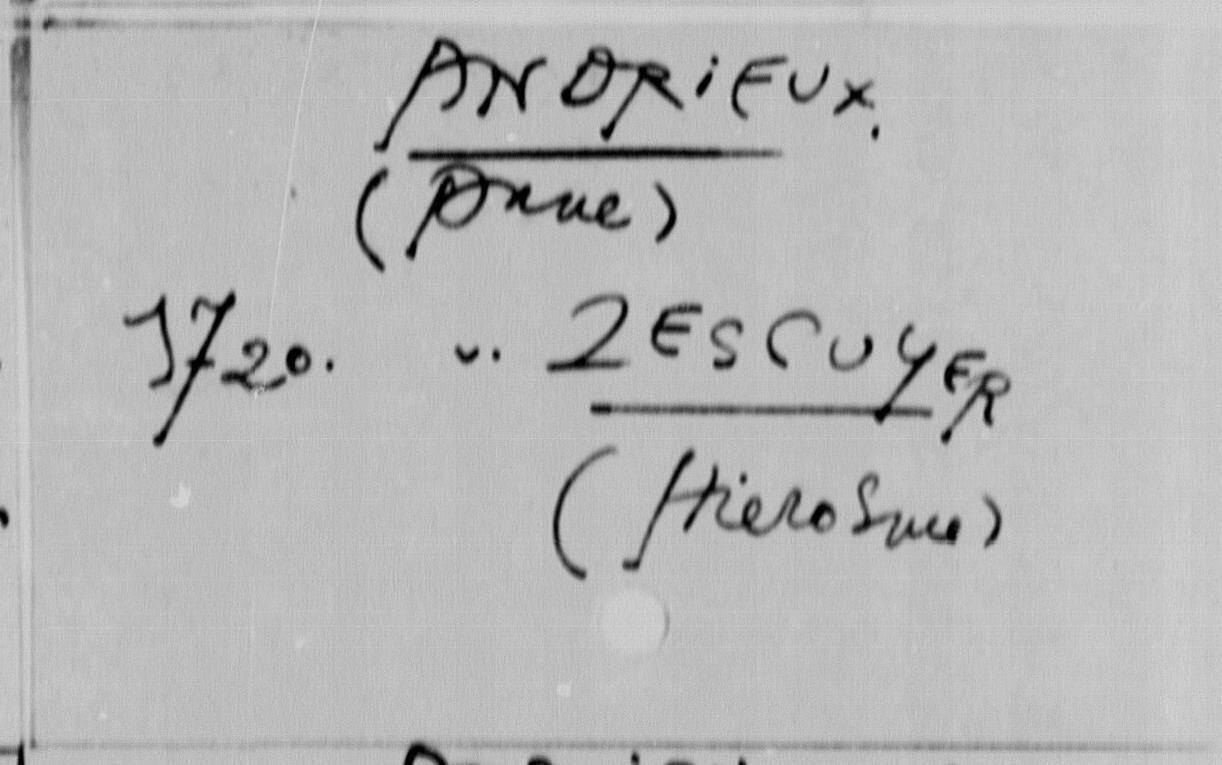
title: ANDRIEUX (Anne)
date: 1720
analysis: Voir LESCUYER (HIEROSME)
